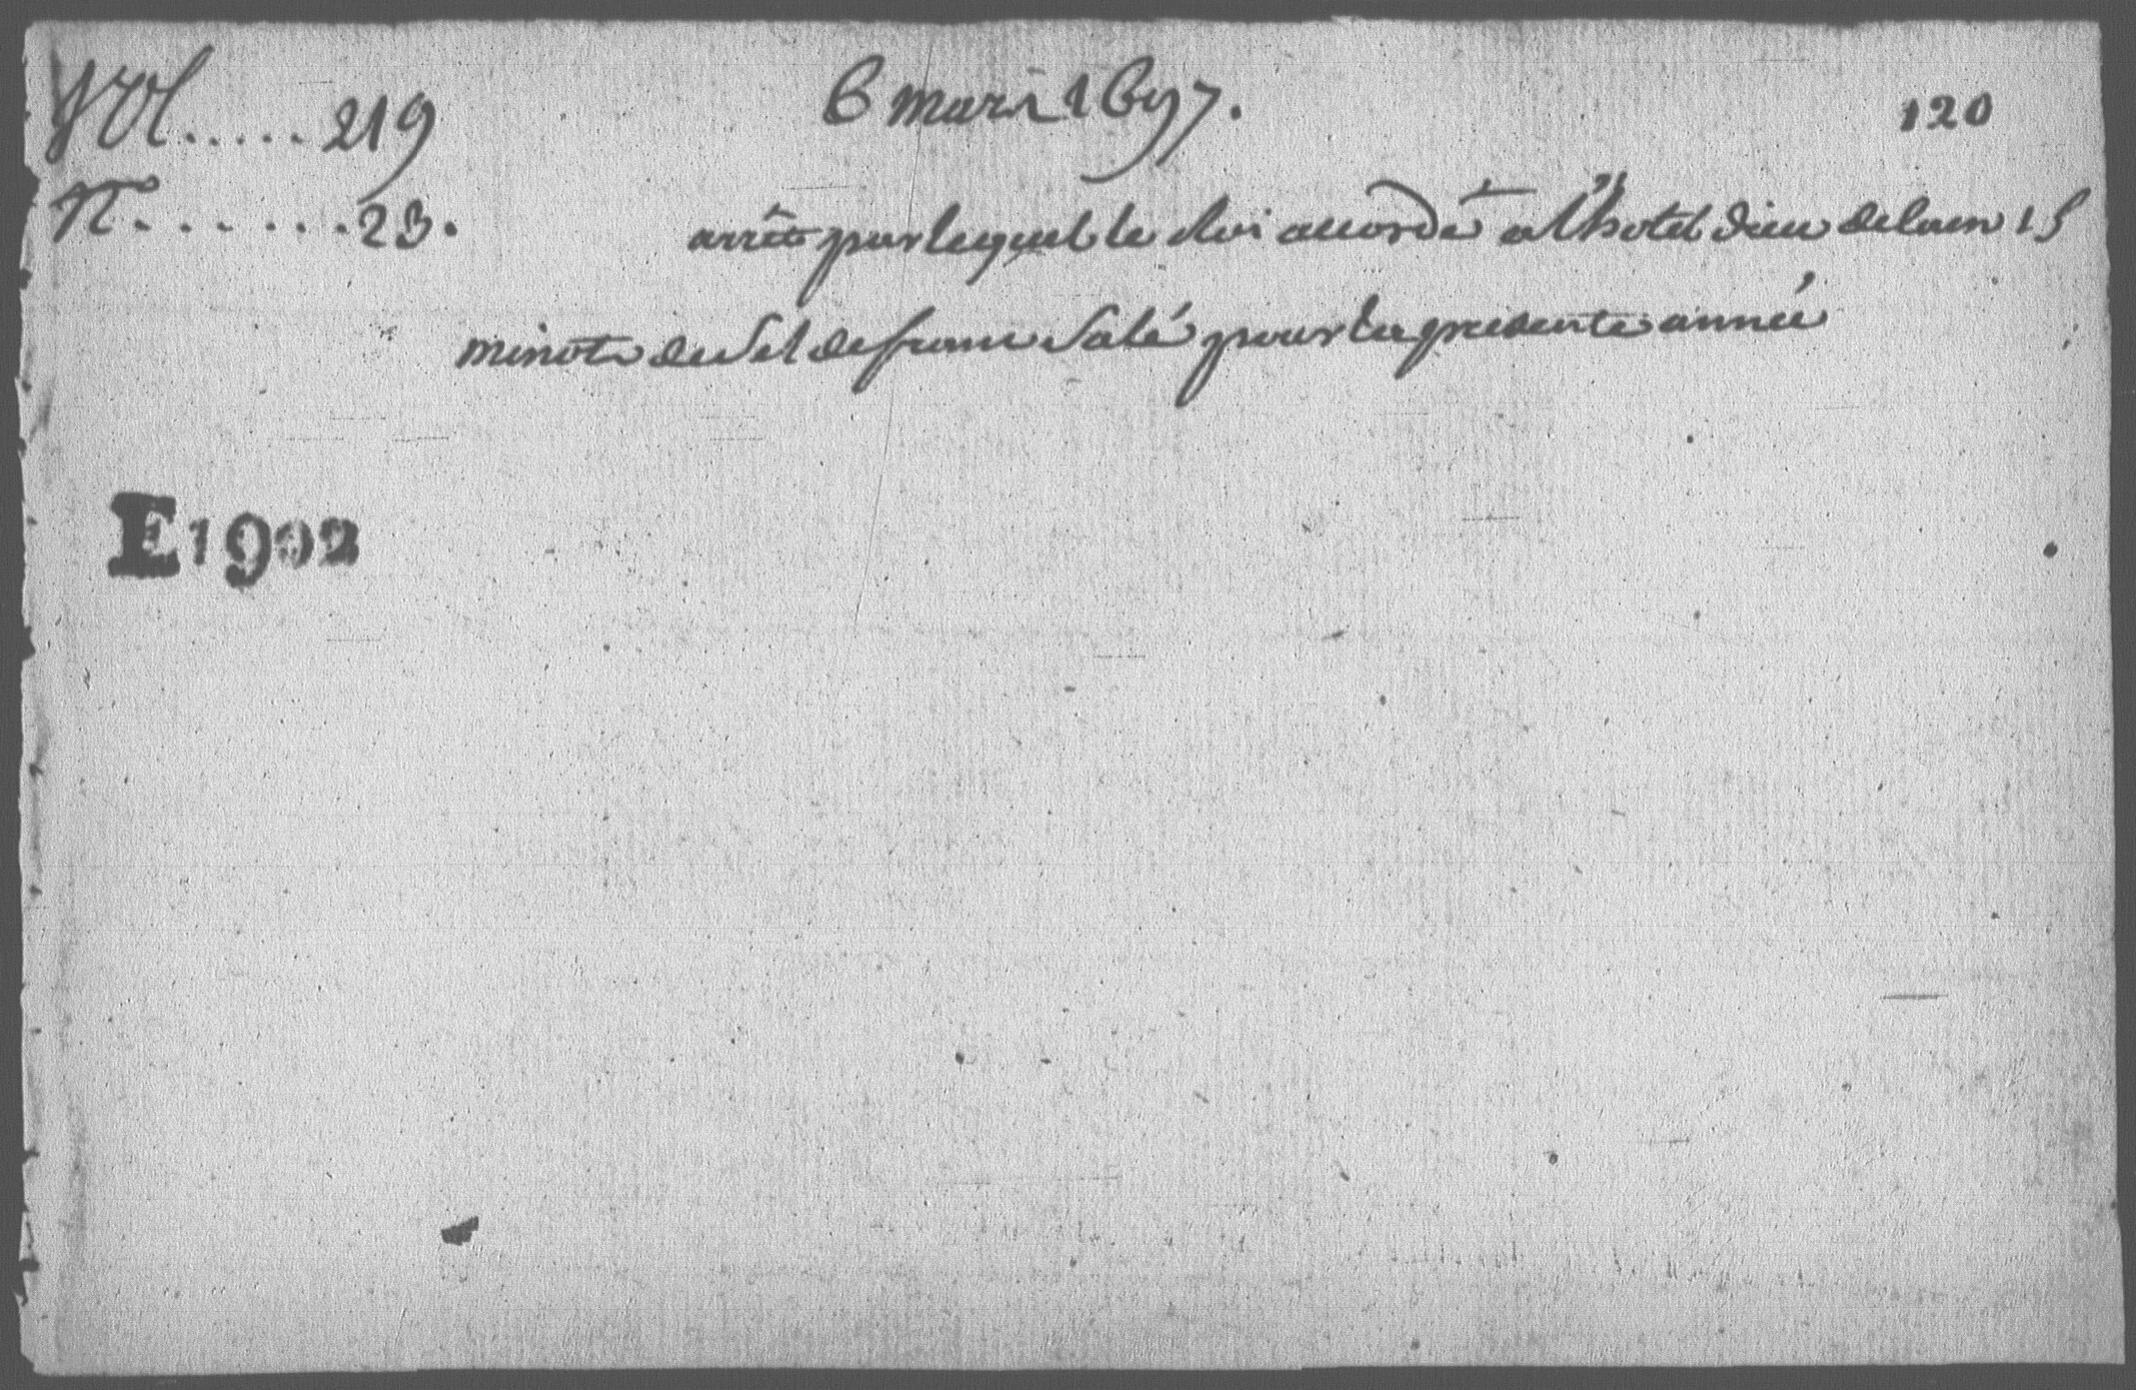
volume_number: n°23
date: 6 mars 1697
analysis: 120
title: arrêt par lequel le roi accordé a l'hotel dieu de Caen 15 minots de sel de franc salé pour la presente année
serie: E
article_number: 1902
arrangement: Vol. 219
